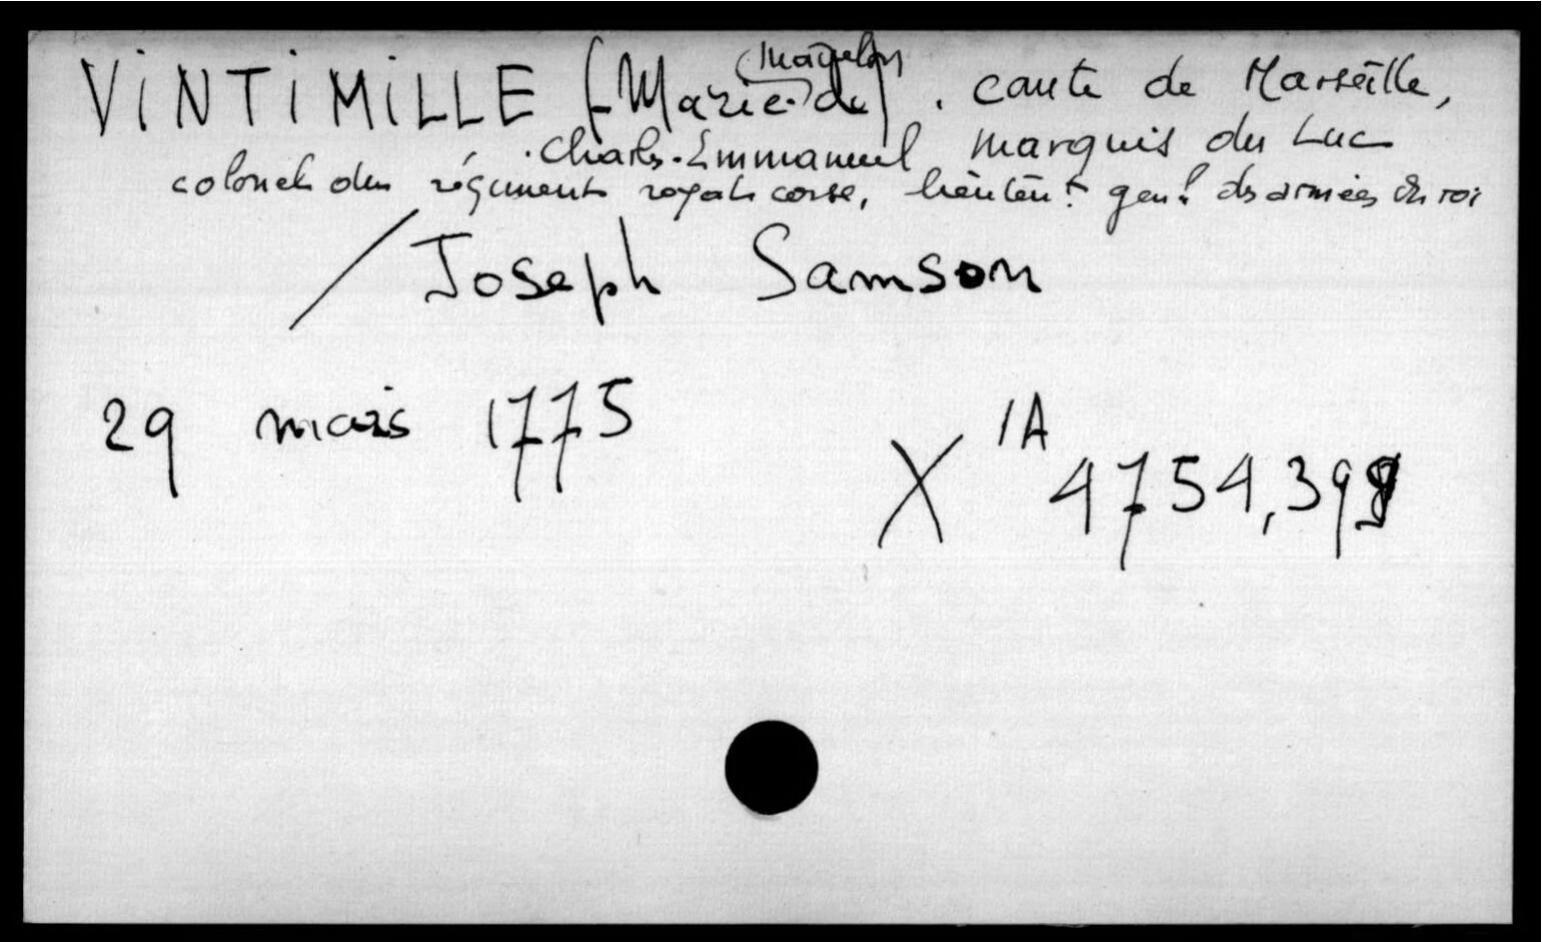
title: VINTIMILLE (Marie-Madelon Charles-Emmanuel de), comte de Marseille, marquis du Luc, colonel du régiment royal corse, lieutenant général des armées du roi
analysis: Contre Joseph Samson
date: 29 mars 1775
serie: X1A
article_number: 4754
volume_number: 399
